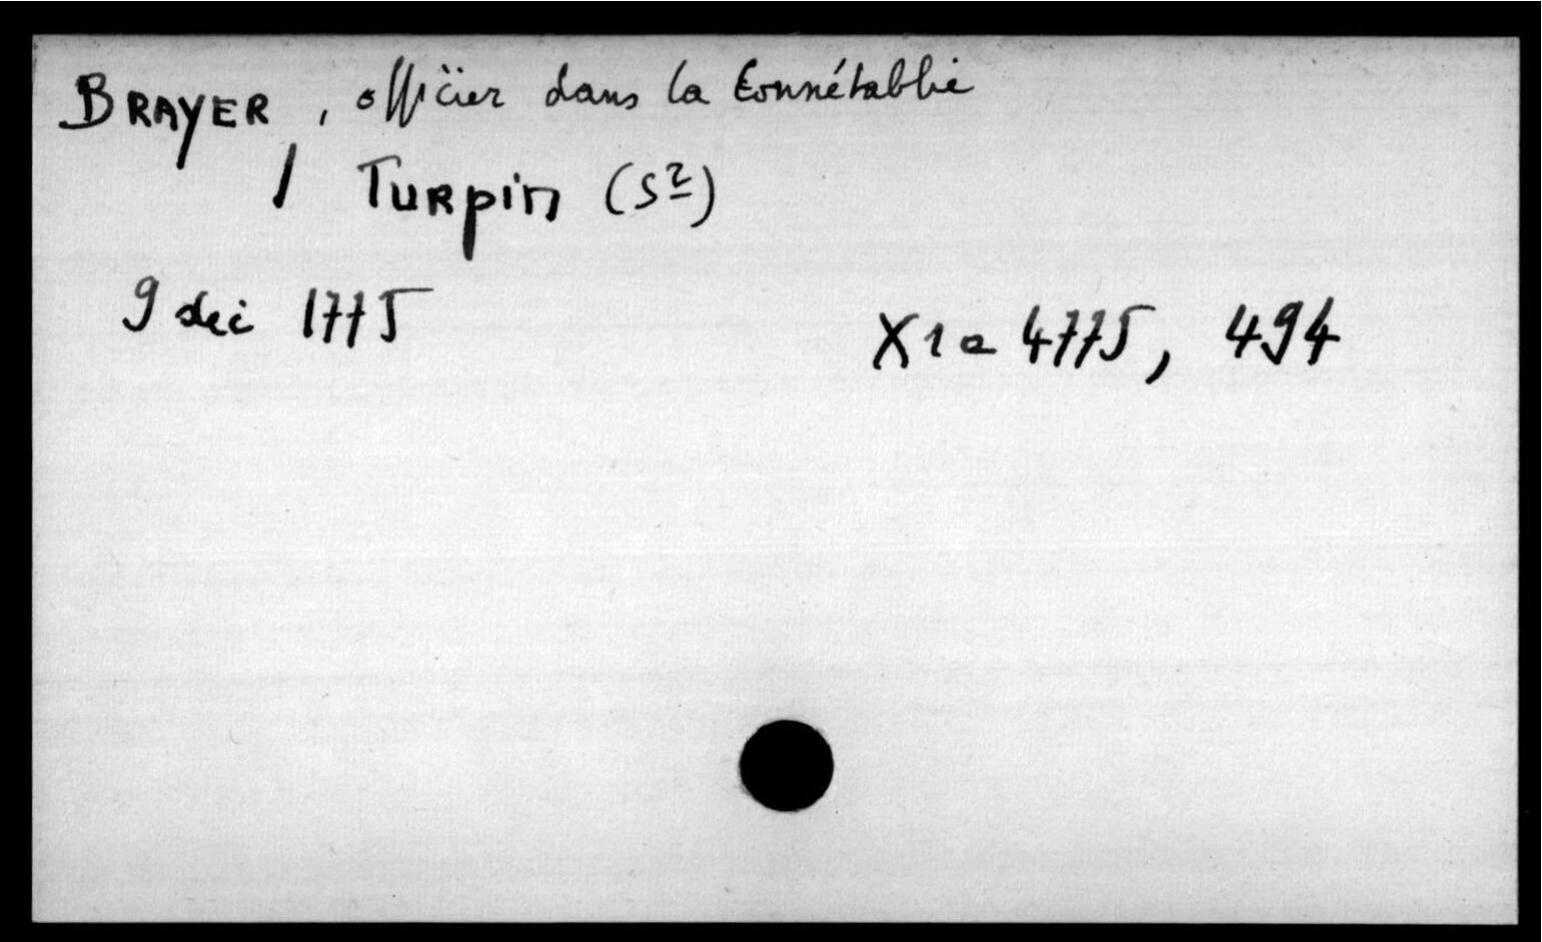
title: BRAYER, officier dans la Connétablie
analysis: Contre TURPIN (sieur)
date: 9 décembre 1775
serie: X1a
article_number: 4775
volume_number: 494
